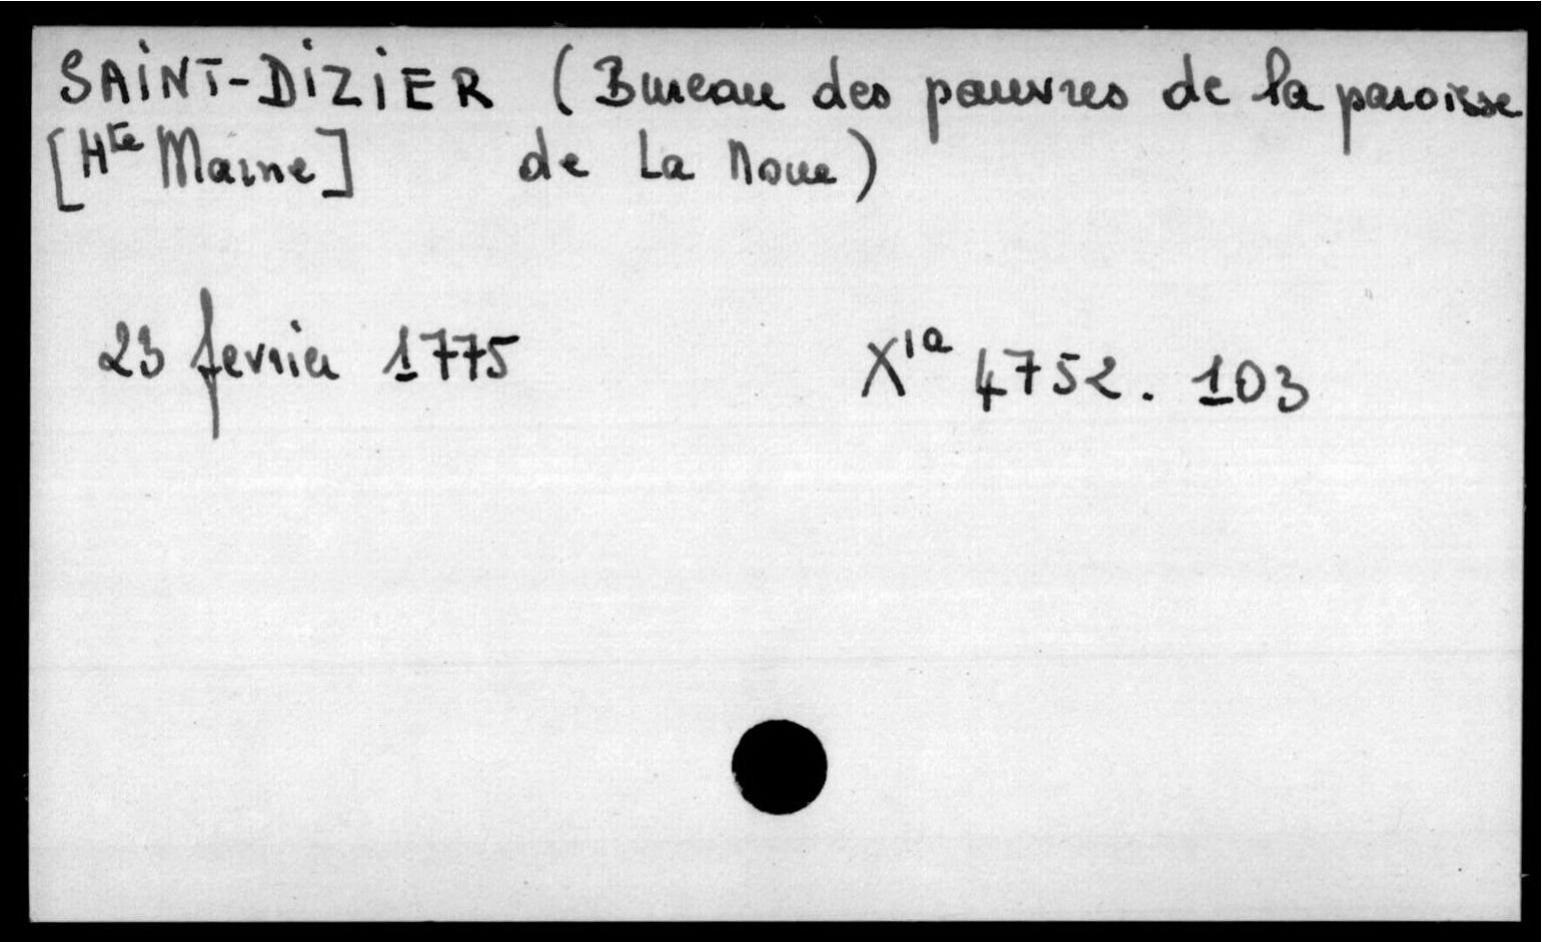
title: SAINT-DIZIER (Bureau des pauvres de la paroisse de la Noue) [Haute-Marne]
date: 23 février 1775
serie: X1a
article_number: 4752
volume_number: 103
